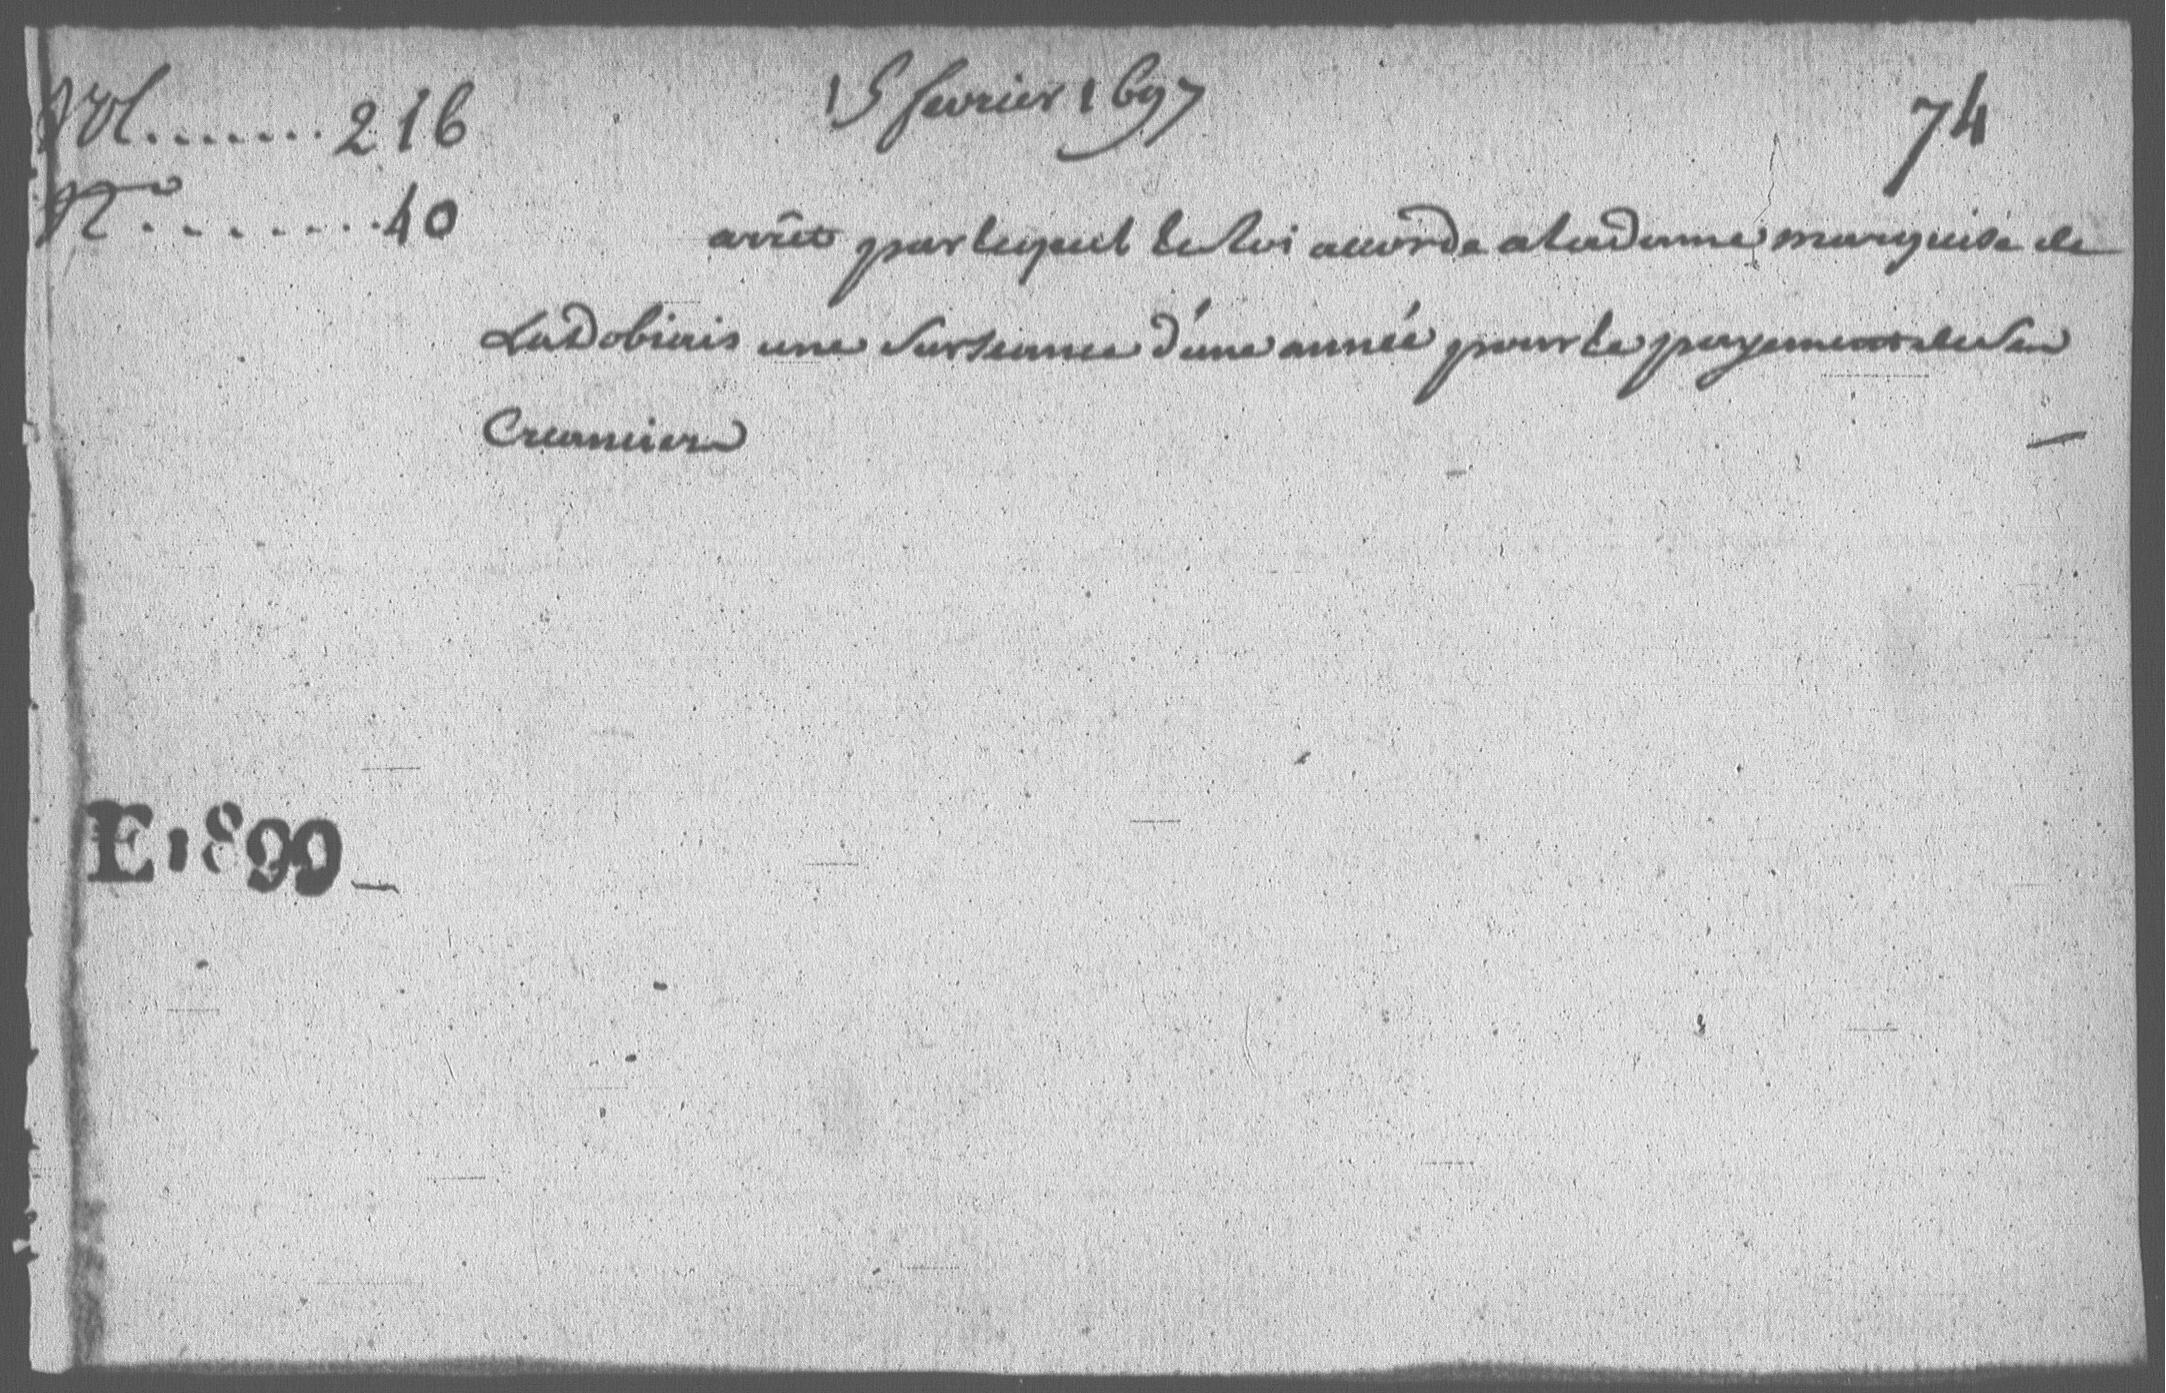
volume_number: n°40
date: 15 février 1697
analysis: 74
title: Arrêt par lequel le Roi accorde a la dame marquise de La Dobiais une surséance d'une année pour le payement de ses créanciers
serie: E
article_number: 1899
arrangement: vol. 216
